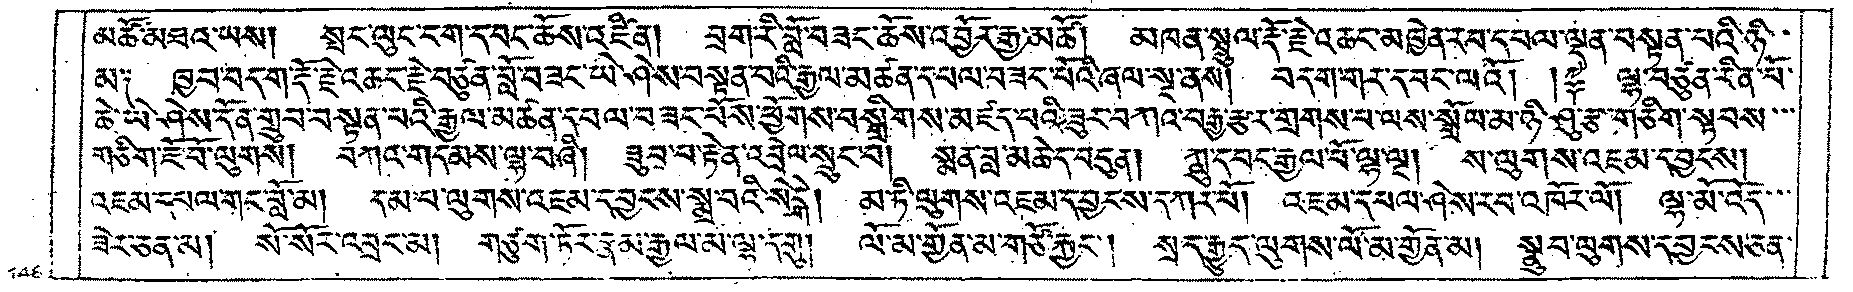མཚོ་མཐའ་ཡས། སྤང་ལུང་ངག་དབང་ཆོས་འཛིན། བྲག་རི་བློ་བཟང་ཆོས་འབྱོར་རྒྱ་མཚོ། མཁན་སྤྲུལ་རྡོ་རྗེ་འཆང་མཁྱེན་རབ་དཔལ་ལྡན་བསྟན་པའི་ཉི་
མ། ཁྱབ་བདག་རྡོ་རྗེ་འཆང་རྗེ་བཙུན་བློ་བཟང་ཡེ་ཤེས་བསྟན་པའི་རྒྱལ་མཚན་དཔལ་བཟང་པོའི་ཞལ་སྔ་ནས། བདག་གར་དབང་ལའོ། ། ༈ ལྷ་བཙུན་རིན་པོ་
ཆེ་ཡེ་ཤེས་དོན་གྲུབ་བསྟན་པའི་རྒྱལ་མཚན་དཔལ་བཟང་པོས་ཕྱོགས་བསྒྲིགས་མཛད་པའི་ཟུར་བཀའ་བརྒྱ་རྩར་གྲགས་པ་ལས་སྒྲོལ་མ་ཉི་ཤུ་རྩ་གཅིག་སྟབས་
གཅིག་ཇོ་བོ་ལུགས། བཀའ་གདམས་ལྷ་བཞི། ཐུབ་པ་རྟེན་འབྲེལ་སྲུང་བ། སྨན་བླ་མཆེད་བདུན། ཀླུ་དབང་རྒྱལ་པོ་ལྷ་ལྔ། ས་ལུགས་འཇམ་དབྱངས།
འཇམ་དཔལ་གང་བློ་མ། དམ་པ་ལུགས་འཇམ་དབྱངས་སྨྲ་བའི་སེངྒེ། མ་ཏི་ལུགས་འཇམ་དབྱངས་དཀར་པོ། འཇམ་དཔལ་ཤེས་རབ་འཁོར་ལོ། ལྷ་མོ་འོད་
ཟེར་ཅན་མ། སོ་སོར་འབྲང་མ། གཙུག་ཏོར་རྣམ་རྒྱལ་མ་ལྷ་དགུ། ལོ་མ་གྱོན་མ་གཙོ་རྐྱང་། སྲད་རྒྱུད་ལུགས་ལོ་མ་གྱོན་མ། སྣུབ་ལུགས་དབྱངས་ཅན་